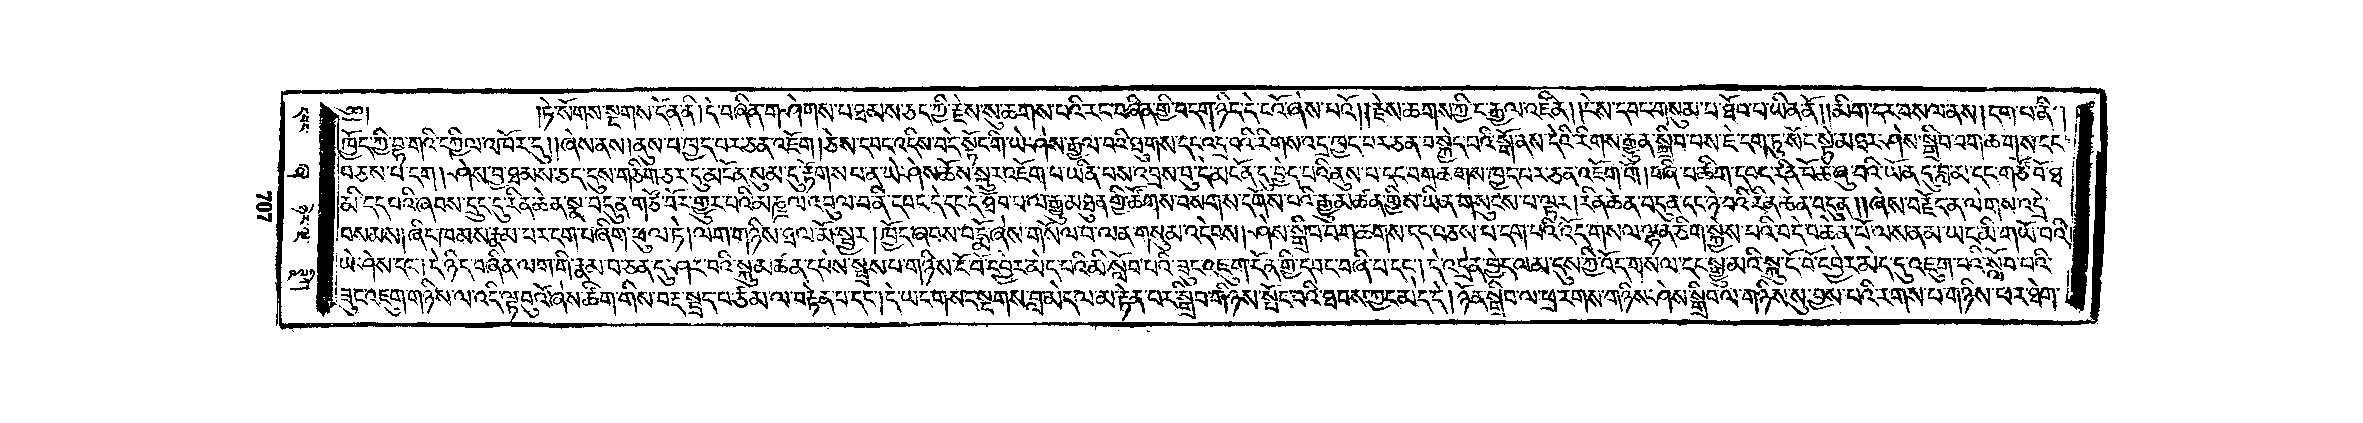༄༅། །ཏེ་སོགས་སྔགས་དོན་ནི། དེ་བཞིན་གཤེགས་པ་ཐམས་ཅད་ཀྱི་རྗེས་སུ་ཆགས་པའི་རང་བཞིན་གྱི་བདག་ཉིད་དེ་ངའོ་ཞེས་པའོ། །རྗེས་ཆགས་ཀྱི་ང་རྒྱལ་འཛིན། །ངེས་དབང་གསུམ་པ་ཐོབ་པ་ཡིན་ནོ། །མིག་དར་བསལ་ནས། དག་པ་ནི།
ཁྱོད་ཀྱི་བྷ་གའི་དཀྱིལ་འཁོར་དུ། །ཞེས་ནས། ནུས་པ་ཁྱད་པར་ཅན་འཇོག །ཅེས་དབང་འདིས་བདེ་སྟོང་གི་ཡེ་ཤེས་རྒྱལ་བའི་ཐུགས་དང་འདྲ་བའི་རིགས་འདྲ་ཁྱད་པར་ཅན་བསྐྱེད་པའི་སྒོ་ནས་དེའི་རིགས་རྒྱུན་སྒྲིབ་པས་ཇེ་དག་ཏུ་སོང་སྟེ་མཐར་ཤེས་སྒྲིབ་བག་ཆགས་དང་
བཅས་པ་དག །ཤེས་བྱ་ཐམས་ཅད་དུས་གཅིག་ཅར་དུ་མངོན་སུམ་དུ་རྟོགས་པ་ན་ཡེ་ཤེས་ཆོས་སྐུར་འཇོག་པ་ཡིན་པས་འབྲས་བུ་དེ་མངོན་དུ་བྱེད་པའི་ནུས་པ་དང་བག་ཆགས་ཁྱད་པར་ཅན་འཇོག་གོ །བཞི་པ་ཚིག་དབང་རིན་པོ་ཆེ་ཞུ་བའི་ཡོན་དུ་བླ་མ་དང་གཙོ་བོ་ཐ་
མི་དད་པའི་ཞབས་དྲུང་དུ་རིན་ཆེན་སྣ་བདུན་གཙོ་བོར་གྱུར་པའི་མཎྜལ་འབུལ་བ་ནི་དབང་དེ་དང་དེ་ཐོབ་པ་ལ་རྒྱུ་མཐུན་གྱི་ཚོགས་བསགས་དགོས་པའི་རྒྱུ་མཚན་གྱིས་ཡིན་གསུངས་པ་ལྟར། རིན་ཆེན་བདུན་དང་ཉེ་བའི་རིན་ཆེན་བདུན། །ཞེས་བརྗོད་ན་ལེགས་འདྲེ་
བསམས། ཞིང་ཁམས་རྣམ་པར་དག་པ་ཞིག་ཕུལ་ཏེ། ལག་གཉིས་ཐལ་མོ་སྦྱར། ཁྱོད་ཞབས་པདམོ་ཞེས་གསོལ་བ་ལན་གསུམ་འདེབས། ཤེས་སྒྲིབ་བག་ཆགས་དང་བཅས་པ་དག་པའི་འོད་གསལ་ལྷན་ཅིག་སྐྱེས་པའི་བདེ་བ་ཆེན་པོ་ལས་ནམ་ཡང་མི་གཡོ་བའི་
ཡེ་ཤེས་དང་། དེ་ཉིད་བཞིན་ལག་གི་རྣམ་པ་ཅན་དུ་ཤར་བའི་སྐུ་མཚན་དཔེས་སྤྲས་པ་གཉིས་ངོ་བོ་དབྱེར་མེད་པའི་མི་སློབ་པའི་ཟུང་འཇུག་དོན་གྱི་དབང་བཞི་པ་དང་། དེ་འདྲེན་བྱེད་ལམ་དུས་ཀྱི་འོད་གསལ་དང་སྒྱུ་མའི་སྐུ་ངོ་བོ་དབྱེར་མེད་དུ་འཇུག་པའི་སློབ་པའི་
ཟུང་འཇུག་གཉིས་ལ་འདི་ལྟ་བུའོ་ཞེས་ཚིག་གིས་བརྡ་སྤྲད་པ་ཙམ་ལ་བརྟེན་པ་དང་། དེ་ཡང་གསང་སྔགས་བླ་མེད་ལ་མ་རྟེན་པར་སྒྲིབ་གཉིས་སྤོང་བའི་ཐབས་ཀྱང་མེད་དེ། ཉོན་སྒྲིབ་ལ་ཕྲ་རགས་གཉིས་ཤེས་སྒྲིབ་ལ་གཉིས་སུ་བྱས་པའི་རགས་པ་གཉིས་ཕར་ཐེག་